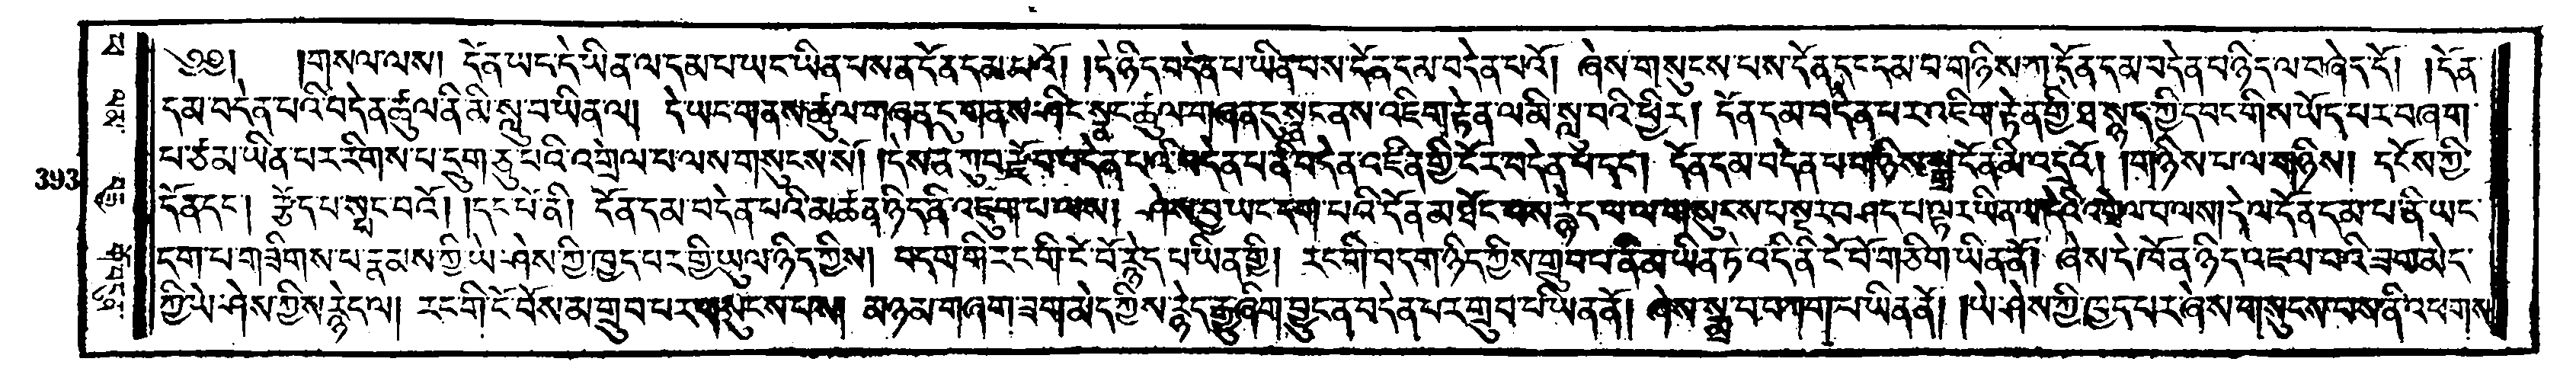༄༅། །གསལ་ལས། དོན་ཡང་དེ་ཡིན་ལ་དམ་པ་ཡང་ཡིན་པས་ན་དོན་དམ་པའོ། །དེ་ཉིད་བདེན་པ་ཡིན་པས་དོན་དམ་བདེན་པའོ། ཞེས་གསུངས་པས་དོན་དང་དམ་པ་གཉིས་ཀ་དོན་དམ་བདེན་པ་ཉིད་ལ་བཞེད་དོ། །དོན་
དམ་བདེན་པའི་བདེན་ཚུལ་ནི་མི་སླུ་བ་ཡིན་ལ། དེ་ཡང་གནས་ཚུལ་གཞན་དུ་གནས་ཤིང་སྣང་ཚུལ་གཞན་དུ་སྣང་ནས་འཇིག་རྟེན་ལ་མི་སླུ་བའི་ཕྱིར། དོན་དམ་བདེན་པར་འཇིག་རྟེན་གྱི་ཐ་སྙད་ཀྱི་དབང་གིས་ཡོད་པར་བཞག་
པ་ཙམ་ཡིན་པར་རིགས་པ་དྲུག་ཅུ་པའི་འགྲེལ་པ་ལས་གསུངས་སོ། །དེས་ན་ཀུབ་རྫོབ་བདེན་པའི་བདེན་པ་ནི་བདེན་འཛིན་གྱི་ངོར་བདེན་པ་དང་། དོན་དམ་བདེན་པ་གཉིས་སྒྲ་དོན་མི་འདྲའོ། །གཉིས་པ་ལ་གཉིས། དངོས་ཀྱི་
དོན་དང་། རྩོད་པ་སྤང་བའོ། །དང་པོ་ནི། དོན་དམ་བདེན་པའི་མཚན་ཉིད་ནི་འཇུག་པ་ལས། ཤེས་བྱ་ཡང་དག་པའི་དོན་མཐོང་བས་རྙེད་པ་ལ་གསུངས་པ་སྔར་བཤད་པ་ལྟར་ཡིན་ལ་དེའི་འགྲེལ་བ་ལས། དེ་ལ་དོན་དམ་པ་ནི་ཡང་
དག་པ་གཟིགས་པ་རྣམས་ཀྱི་ཡེ་ཤེས་ཀྱི་ཁྱད་པར་གྱི་ཡུལ་ཉིད་ཀྱིས། བདག་གི་རང་གི་ངོ་བོ་རྙེད་པ་ཡིན་གྱི། རང་གི་བདག་ཉིད་ཀྱིས་གྲུབ་པ་ནི་མ་ཡིན་ཏེ་འདི་ནི་ངོ་བོ་གཅིག་ཡིན་ནོ། ཞེས་དེ་ཁོ་ན་ཉིད་འཇལ་བའི་ཟབ་མེད་
ཀྱི་ཡེ་ཤེས་ཀྱིས་རྙེད་ལ། རང་གི་ངོ་བོས་མ་གྲུབ་པར་གསུངས་པས། མཉམ་གཞག་ཟག་མེད་ཀྱིས་རྙེད་རྒྱུ་ཞིག་བྱུང་ན་བདེན་པར་གྲུབ་པ་ཡིན་ནོ། ཞེས་སྨྲ་བ་བཀག་པ་ཡིན་ནོ། །ཡེ་ཤེས་ཀྱི་ཁྱད་པར་ཞེས་གསུངས་བས་ནི་འཕགས་